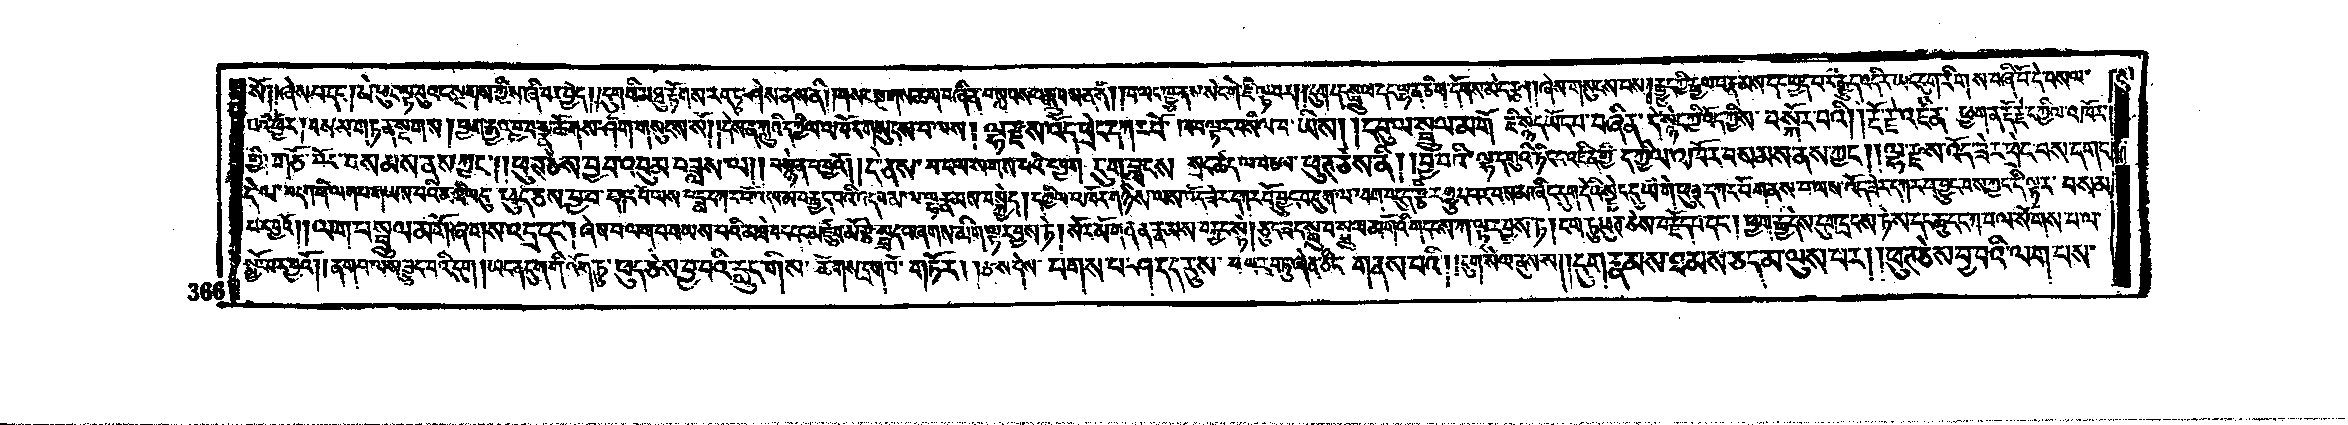སོ། །ཞེས་པ་དང་། མེ་ཕུང་ལྟ་བུའང་སྔགས་ཀྱིས་ཞི་བར་བྱེད། །དུག་གི་མཐུ་རྟོགས་རབ་ཏུ་ཤེས་ནས་ནི། །གསང་སྔགས་ཆག་བཞིན་བསླབས་བསྒྲུབས་ན་ནི། །བ་ལང་ཁྱུ་ནས་སེང་གེ་ཇི་ལྟར་བར། །དུག་དང་སྦྲུལ་དང་ལྷན་ཅིག་དོགས་མེད་རྩ། །ཞེས་གསུངས་པས། རྒྱུད་ཀྱི་རྒྱལ་བ་རྣམས་དང་ཁྱད་པར་རྒྱུད་འདིར་ཡང་དུག་རིགས་བཞི་པོ་དེ་བསལ་
བའི་ཕྱིར། བསམ་གཏན་སྔགས། ཕྱག་རྒྱའི་བྱ་བ་སྣ་ཚོགས་ཤིག་གསུངས་སོ། །དེས་ན་ཀླུའི་དཀྱིལ་འཁོར་གསུངས་པ་ལས། ལྷ་རྫས་འོད་ཕྲེང་དཀར་པོ་ཁ་བ་ལྟར་བསིལ་བ་ཡིས། །དབུ་ལ་སྦྲུལ་མགོ་ཇི་སྙེད་ཡོད་པ་བཞིན་དེ་སྙེད་ཀྱི་འོད་ཀྱིས་བསྐོར་བའི། །རྡོ་རྗེ་འཛིན་ཕྱག་ན་རྡོ་རྗེ་དཀྱིལ་འཁོར་
གྱི་གཙོ་བོར་བསམས་ནས་ཀྱང་། །ཕུཊ་ཅེས་བྱ་བ་འབུམ་བཟླས་ལ། ། བསྙེན་པ་བྱའོ།  །དེ་ནས་བ་ངལ་སོགས་པའི་དབྱིག་དུག་བླངས་སྲང་ཚད་ལ་བཅས་ཕུཊ་ཅེས་ནི། །བྱ་བའི་ལྷ་དགུའི་ཏིང་ངེ་འཛིན་གྱི་དཀྱིལ་འཁོར་བསམས་ནས་ཀྱང་། །ལྷ་རྫས་འོད་ཟེར་ཕྲེང་བས་དགང་
དེ་ལ་བདག་གི་ལག་པ་གཡས་པའི་མཐིལ་དུ་ཕུད་ཅེས་བྱ་བ་དཀར་པོ་ལས་པདམ་དཀར་པོ་འདབ་མ་བརྒྱད་པའི་འདབ་མ་ལ་ལྷ་རྣམས་བསྐྱེད། དཀྱིལ་འཁོར་གཉིས་ལས་འོད་ཟེར་དཀར་པོ་བྱུང་བ་དུག་ལ་ཕག་བདུད་རྩིར་གྱུར་པར་བསམ་ཞིང་དུག་དེའི་སྟེང་དུ་ཡི་གེ་ཕུཊ་དཀར་པོ་གནས་པ་ལས་འོད་ཟེར་དཀར་པོ་བྱུང་བས་ཀྱང་དེ་ལྟར་བསམ་
པར་བྱའོ། །ལག་པ་སྦྲུལ་མགོ་ཞགས་འདྲ་དང་། ཞེས་པ་ལག་པ་གཡས་པའི་མཐེ་བོང་དང་མཛུབ་མོ་རྩེ་སྤྲད་པ་ཞགས་མིག་ལྟར་བྱས་ཏེ། སོར་མོ་གཞན་རྣམས་བརྐྱང་སྟེ། ཅུང་ཟད་སྒུ་བ་སྦྲུལ་མགོའི་གདངས་ཀ་ལྟར་བྱས་ཏེ། ངག་ཏུ་ཕུཊ་ཅེས་བརྗོད་པ་དང་། ཕྱག་རྒྱ་དེས་དུག་དྲངས་ཏེ་ས་དང་ཆུ་དང་ཀ་བ་ལ་སོགས་པ་ལ་
སྤོ་བར་བྱའོ། །ནག་པ་ལས་བྱུང་བའི་དུག །ཡང་ན་དུག་གི་འོག་ཏུ་ཕུད་ཅེས་བྱ་བའི་རླུང་གིས་ཚོགས་དྲག་པོ་གཏོར། ། རྫས་དེས་པགས་པ་ཤ་དང་རུས་པ་ལ་རབ་ཏུ་ཞེན་ཅིང་གནས་པའི། ། དུག་སེལ་ནུས་ས།  །དུག་རྣམས་ཐམས་ཅད་མ་ལུས་པར། །ཕུཊ་ཅེས་བྱ་བའི་ལག་པས་